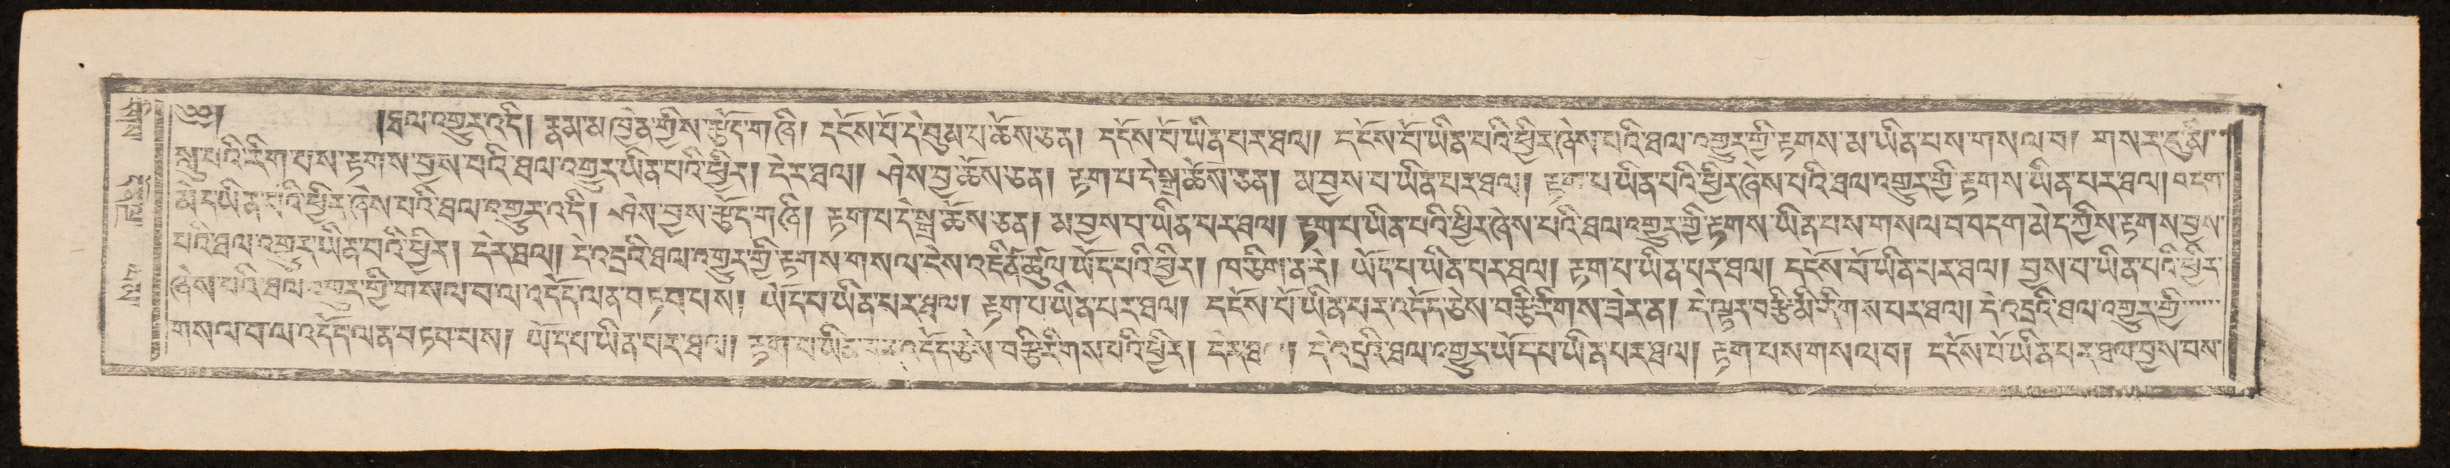༄༅། །ཐལ་འགྱུར་འདི། རྣམ་མཁྱེན་གྱིས་རྩོད་གཞི། དངོས་པོ་དེ་བུམ་པ་ཆོས་ཅན། དངོས་པོ་ཡིན་པར་ཐལ། དངོས་པོ་ཡིན་པའི་ཕྱིར་ཞེས་པའི་ཐལ་འགྱུར་གྱི་རྟགས་མ་ཡིན་པས་གསལ་བ། གསར་དུ་མི་
སླུ་བའི་རིག་པས་རྟགས་བྱས་པའི་ཐལ་འགྱུར་ཡིན་པའི་ཕྱིར། དེར་ཐལ། ཤེས་བྱ་ཆོས་ཅན། རྟག་པ་དེ་སྒྲ་ཆོས་ཅན། མ་བྱས་པ་ཡིན་པར་ཐལ། རྟག་པ་ཡིན་པའི་ཕྱིར་ཞེས་པའི་ཐལ་འགྱུར་གྱི་རྟགས་ཡིན་པར་ཐལ། བདག་
མེད་ཡིན་པའི་ཕྱིར་ཞེས་པའི་ཐལ་འགྱུར་འདི། ཤེས་བྱས་རྩོད་གཞི། རྟག་པ་དེ་སྒྲ་ཆོས་ཅན། མ་བྱས་པ་ཡིན་པར་ཐལ། རྟག་པ་ཡིན་པའི་ཕྱིར་ཞེས་པའི་ཐལ་འགྱུར་གྱི་རྟགས་ཡིན་པས་གསལ་བ་བདག་མེད་ཀྱིས་རྟགས་བྱས་
པའི་ཐལ་འགྱུར་ཡིན་པའི་ཕྱིར། དེར་ཐལ། དེ་འདྲའི་ཐལ་འགྱུར་གྱི་རྟགས་གསལ་ངོས་འཛིན་ཚུལ་ཡོད་པའི་ཕྱིར། ཁ་ཅིག་ན་རེ། ཡོད་པ་ཡིན་པར་ཐལ། རྟག་པ་ཡིན་པར་ཐལ། དངོས་པོ་ཡིན་པར་ཐལ། བྱས་པ་ཡིན་པའི་ཕྱིར་
ཞེས་པའི་ཐལ་འགྱུར་གྱི་གསལ་བ་ལ་འདོད་ལན་བཏབ་པས། ཡོད་པ་ཡིན་པར་ཐལ། རྟག་པ་ཡིན་པར་ཐལ། དངོས་པོ་ཡིན་པར་འདོད་ཅེས་བརྩི་རིགས་ཟེར་ན། དེ་ལྟར་བརྩི་མི་རིགས་པར་ཐལ། དེ་འདྲའི་ཐལ་འགྱུར་གྱི་
གསལ་བ་ལ་འདོད་ལན་བཏབ་པས། ཡོད་པ་ཡིན་པར་ཐལ། རྟག་པ་ཡིན་པར་འདོད་ཅེས་བརྩི་རིགས་པའི་ཕྱིར། དེར་ཐལ། དེ་འདྲའི་ཐལ་འགྱུར་ཡོད་པ་ཡིན་པར་ཐལ། རྟག་པས་གསལ་བ། དངོས་པོ་ཡིན་པར་ཐལ་བྱས་པས་